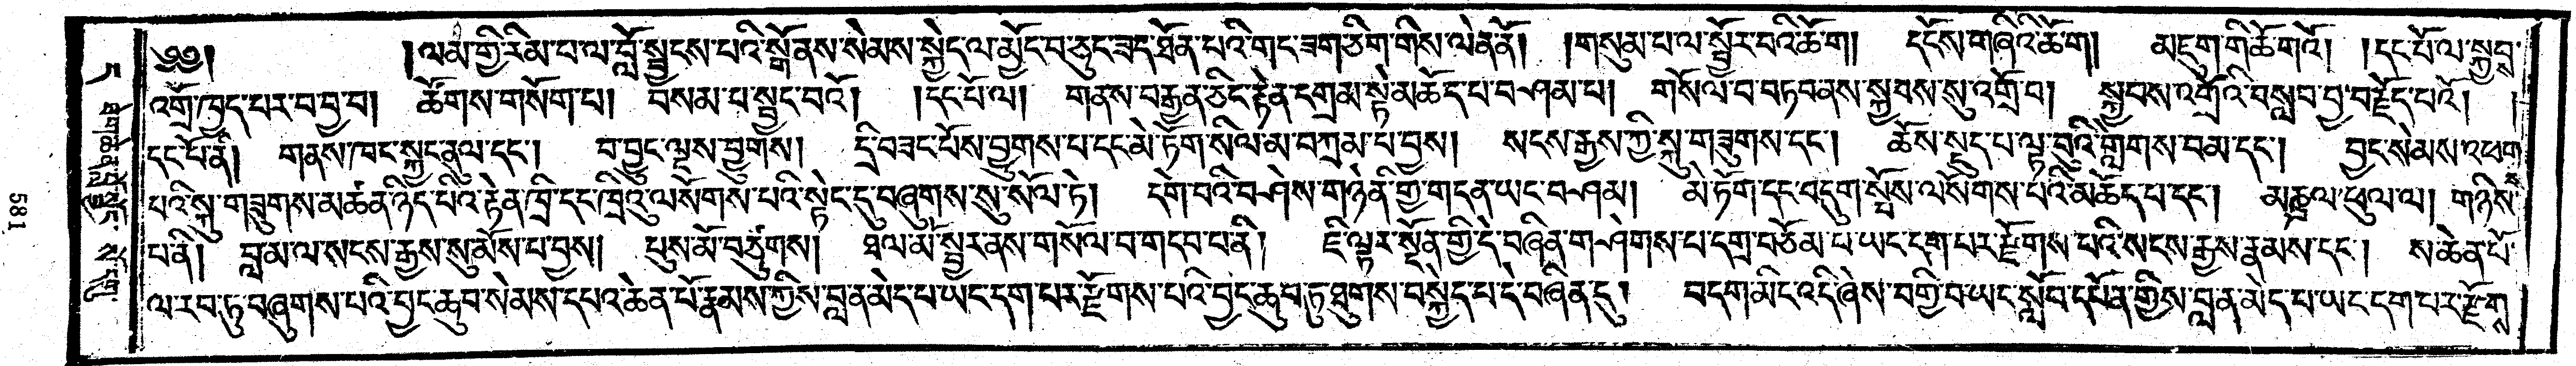༄༅། །ལམ་གྱི་རིམ་པ་ལ་བློ་སྦྱངས་པའི་སྒོ་ནས་སེམས་སྐྱེད་ལ་མྱོང་བ་ཅུང་ཟད་ཐོན་པའི་གང་ཟག་ཅིག་གིས་ལེན་ནོ། །གསུམ་པ་ལ་སྦྱོར་བའི་ཆོ་ག། དངོས་གཞིའི་ཆོ་ག། མཇུག་གི་ཆོ་གའོ། །དང་པོ་ལ་སྐྱབས་
འགྲོ་ཁྱད་པར་བ་བྱ་བ། ཚོགས་གསོག་པ། བསམ་པ་སྦྱང་བའོ། །དང་པོ་ལ། གནས་བརྒྱན་ཅིང་རྟེན་དགྲམ་སྟེ་མཆོད་པ་བཤམ་པ། གསོལ་བ་བཏབ་ནས་སྐྱབས་སུ་འགྲོ་བ། སྐྱབས་འགྲོའི་བསླབ་བྱ་བརྗོད་པའོ། །
དང་པོ་ནི། གནས་ཁང་སྐྱང་ནུལ་དང་། བ་བྱུང་ལྔས་བྱུགས། དྲི་བཟང་པོས་བྱུགས་པ་དང་མེ་ཏོག་སིལ་མ་བཀྲམ་པ་བྱས། སངས་རྒྱས་ཀྱི་སྐུ་གཟུགས་དང་། ཆོས་སྡུད་པ་ལྟ་བུའི་གླེགས་བམ་དང་། བྱང་སེམས་འཕགས་
པའི་སྐུ་གཟུགས་མཚན་ཉིད་པའི་རྟེན་ཁྲི་དང་ཁྲིའུ་ལ་སོགས་པའི་སྟེང་དུ་བཞུགས་སུ་སོལ་ཏེ། དགེ་བའི་བཤེས་གཉེན་གྱི་གདན་ཡང་བཤམ། མེ་ཏོག་དང་བདུག་སྤོས་ལ་སོགས་པའི་མཆོད་པ་དང་། མཎྜལ་ཕུལ་ལ། གཉིས་
པ་ནི། བླ་མ་ལ་སངས་རྒྱས་སུ་མོས་པ་བྱས། པུས་མོ་བཙུགས། ཐལ་མོ་སྦྱར་ནས་གསོལ་བ་གདབ་པ་ནི། ཇི་ལྟར་སྔོན་གྱི་དེ་བཞིན་གཤེགས་པ་དགྲ་བཅོམ་པ་ཡང་དག་པར་རྫོགས་པའི་སངས་རྒྱས་རྣམས་དང་། ས་ཆེན་པོ་
ལ་རབ་ཏུ་བཞུགས་པའི་བྱང་ཆུབ་སེམས་དཔའ་ཆེན་པོ་རྣམས་ཀྱིས་བླ་ན་མེད་པ་ཡང་དག་པར་རྫོགས་པའི་བྱང་ཆུབ་ཏུ་ཐུགས་བསྐྱེད་པ་དེ་བཞིན་དུ། བདག་མིང་འདི་ཞེས་བགྱི་བ་ཡང་སློབ་དཔོན་གྱིས་བླ་ན་མེད་པ་ཡང་དག་པར་རྫོགས་